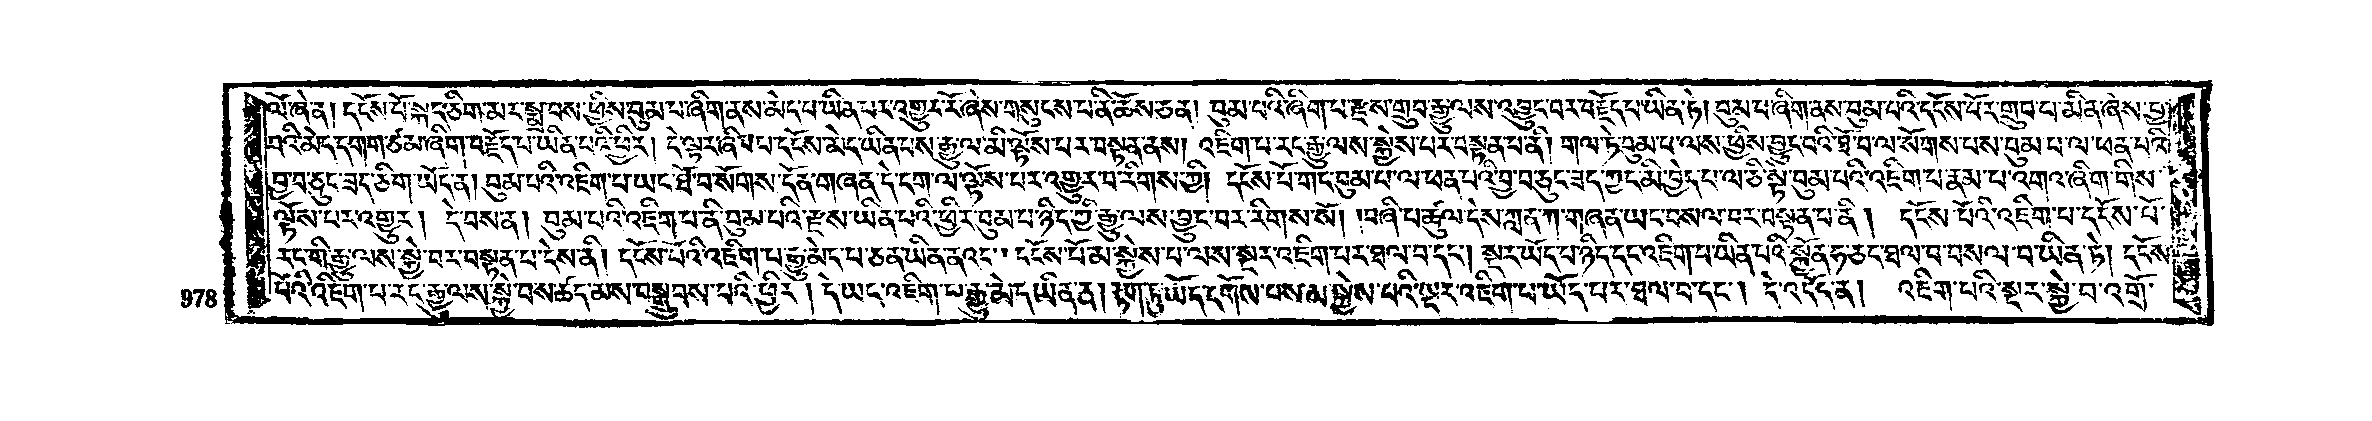ལོ་ཞེ་ན། དངོས་པོ་སྐད་ཅིག་མར་སྨྲ་བས་ཕྱིས་བུམ་པ་ཞིག་ནས་མེད་པ་ཡིན་པར་འགྱུར་རོ་ཞེས་གསུངས་པ་ནི་ཆོས་ཅན། བུམ་པའི་ཞིག་པ་རྫས་གྲུབ་རྒྱུ་ལས་འབྱུང་བར་བརྗོད་པ་ཡིན་ཏེ། བུམ་པ་ཞིག་ནས་བུམ་པའི་དངོས་པོར་གྲུབ་པ་མིན་ཞེས་བྱ་
བའི་མེད་དགག་ཙམ་ཞིག་བརྗོད་པ་ཡིན་པའི་ཕྱིར། དེ་ལྟར་ཞིག་པ་དངོས་མེད་ཡིན་པས་རྒྱུ་ལ་མི་ལྟོས་པར་བསྟན་ནས། འཇིག་པ་རང་རྒྱུ་ལས་སྐྱེས་པར་བསྟན་པ་ནི། གལ་ཏེ་བུམ་པ་ལས་ཕྱིས་བྱུང་བའི་ཐོ་བ་ལ་སོགས་པས་བུམ་པ་ལ་ཕན་པའི་
བྱ་བ་ཅུང་ཟད་ཅིག་ཡོད་ན། བུམ་པའི་འཇིག་པ་ཡང་ཐོ་བ་སོགས་དོན་གཞན་དེ་དག་ལ་ལྟོས་པར་འགྱུར་བ་རིགས་ཀྱི། དངོས་པོ་གང་བུམ་པ་ལ་ཕན་པའི་བྱ་བ་ཅུང་ཟད་ཀྱང་མི་བྱེད་པ་ལ་ཅི་སྟེ་བུམ་པའི་འཇིག་པ་རྣམ་པ་འགའ་ཞིག་གིས་
ལྟོས་པར་འགྱུར། དེ་བས་ན། བུམ་པའི་འཇིག་པ་ནི་བུམ་པའི་རྫས་ཡིན་པའི་ཕྱིར་བུམ་པ་ཉིད་ཀྱི་རྒྱུ་ལས་བྱུང་བར་རིགས་སོ། །བཞི་པ་ཚུལ་དེས་ཀླན་ཀ་གཞན་ཡང་བསལ་བར་བསྟན་པ་ནི། དངོས་པོའི་འཇིག་པ་དངོས་པོ་
རང་གི་རྒྱུ་ལས་སྐྱེ་བར་བསྟན་པ་དེས་ནི། དངོས་པོའི་འཇིག་པ་རྒྱུ་མེད་པ་ཅན་ཡིན་ནའང་དངོས་པོ་མ་སྐྱེས་པ་ལས་སྔར་འཇིག་པར་ཐལ་བ་དང་། སྔར་ཡོད་པ་ཉིད་དང་འཇིག་པ་ཡིན་པའི་སྐྱོན་ཧ་ཅང་ཐལ་བ་བསལ་བ་ཡིན་ཏེ། དངོས་
པོའི་འཇིག་པ་རང་རྒྱུ་ལས་སྐྱེ་བས་ཚད་མས་བསྒྲུབས་པའི་ཕྱིར། དེ་ཡང་འཇིག་པ་རྒྱུ་མེད་ཡིན་ན། རྟག་ཏུ་ཡོད་དགོས་པས་མ་སྐྱེས་པའི་སྔར་འཇིག་པ་ཡོད་པར་ཐལ་བ་དང་། དེ་འདོད་ན། འཇིག་པའི་སྔར་སྐྱེ་བ་འགྲོ་